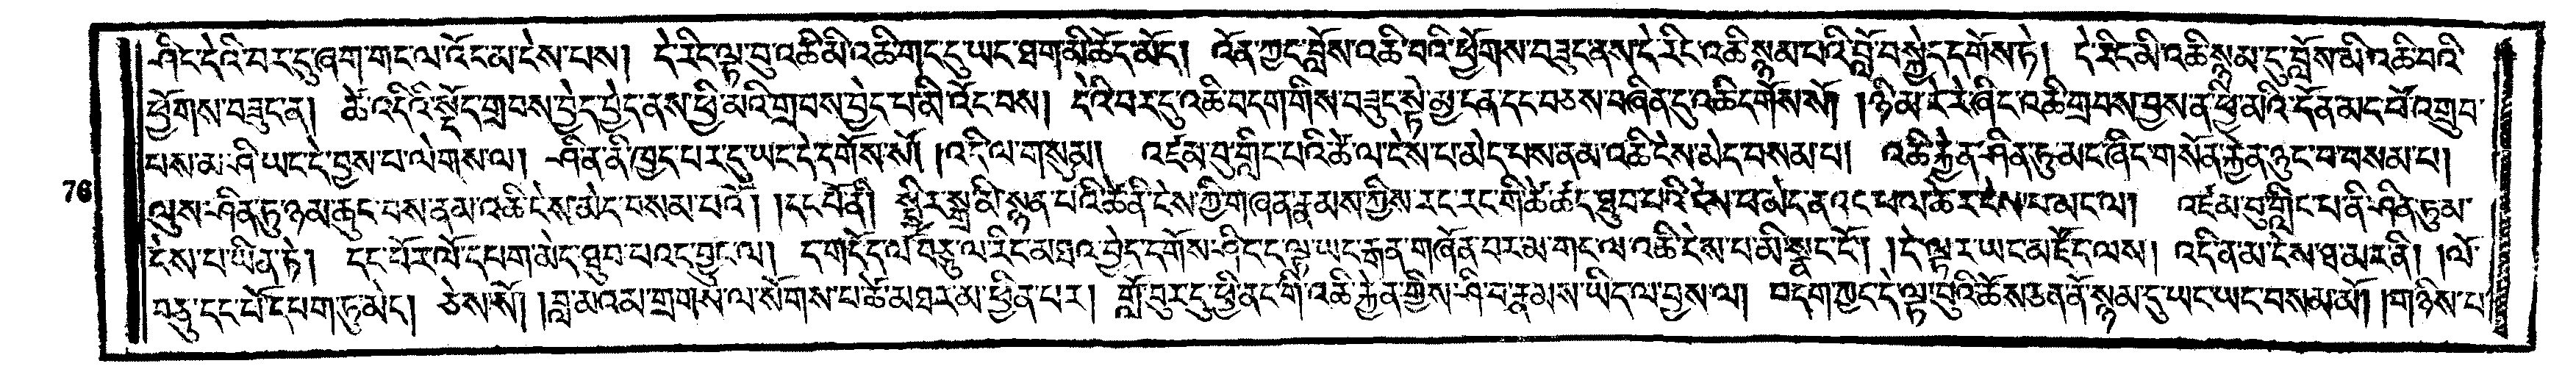ཤིང་དེའི་བར་དུ་ཞག་གང་ལ་འོང་མ་ངེས་པས། དེ་རིང་ལྟ་བུ་འཆི་མི་འཆི་གང་དུ་ཡང་ཐག་མི་ཆོད་མོད། འོན་ཀྱང་བློས་འཆི་བའི་ཕྱོགས་བཟུང་ནས་དེ་རིང་འཆི་སྙམ་པའི་བློ་བསྐྱེད་དགོས་ཏེ། དེ་རིང་མི་འཆི་སྙམ་དུ་བློས་མི་འཆི་བའི་
ཕྱོགས་བཟུང་ན། ཚེ་འདིའི་སྡོད་གྲབས་བྱེད་བྱེད་ནས་ཕྱི་མའི་གྲབས་བྱེད་པ་མི་འོང་བས། དེའི་བར་དུ་འཆི་བདག་གིས་བཟུང་སྟེ་མྱ་ངན་དང་བཅས་བཞིན་དུ་འཆི་དགོས་སོ། །ཉི་མ་རེ་རེ་ཞིང་འཆི་གྲབས་བྱས་ན་ཕྱི་མའི་དོན་མང་པོ་འགྲུབ་
པས་མ་ཤི་ཡང་དེ་བྱས་པ་ལེགས་ལ། ཤི་ན་ནི་ཁྱད་པར་དུ་ཡང་དེ་དགོས་སོ། །འདི་ལ་གསུམ། འཛམ་བུ་གླིང་པའི་ཚེ་ལ་ངེས་པ་མེད་པས་ནམ་འཆི་ངེས་མེད་བསམ་པ། འཆི་རྐྱེན་ཤིན་ཏུ་མང་ཞིང་གསོན་རྐྱེན་ཉུང་བ་བསམ་པ།
ལུས་ཤིན་ཏུ་ཉམ་ཆུང་བས་ནམ་འཆི་ངེས་མེད་བསམ་པའོ། །དང་པོ་ནི། སྦྱིར་སྒྲ་མི་སྙན་པའི་ཚེ་ནི་ངེས་ཀྱི་གཞན་རྣམས་ཀྱིས་རང་རང་གི་ཚེ་ཚད་ཐུབ་པའི་ངེས་པ་མེད་ནའང་ཕལ་ཆེར་ངེས་པ་མང་ལ། འཛམ་བུ་གླིང་པ་ནི་ཤིན་ཏུ་མ་
དེས་པ་ཡིན་ཏེ། དང་པོར་ལོ་དཔག་མེད་ཐུབ་པའང་བྱུང་ལ། དག་དོད་ལ་བཅུ་ལ་རིང་མཐའ་བྱེད་དགོས་ཤིང་ད་ལྟ་ཡང་རྒན་གཞོན་པར་མ་གང་ལ་འཆི་ངེས་པ་མི་སྣང་ངོ། །དེ་ལྟར་ཡང་མཛོད་ལས། འདི་ན་མ་ངེས་ཐ་མར་ནི། །ལོ་
བཅུ་དང་པོ་དཔག་ཏུ་མེད། ཅེས་སོ། །བླ་མའམ་གྲགས་ལ་སོགས་པ་ཚེ་མཐར་མ་ཕྱིན་པར། གློ་བུར་དུ་ཕྱི་ནང་གི་འཆི་རྐྱེན་གྱིས་ཤི་བ་རྣམས་ཡིད་ལ་བྱས་ལ། བདག་ཀྱང་དེ་ལྟ་བུའི་ཆོས་ཅན་ནོ་སྙམ་དུ་ཡང་ཡང་བསམ་མོ། །གཉིས་པ་